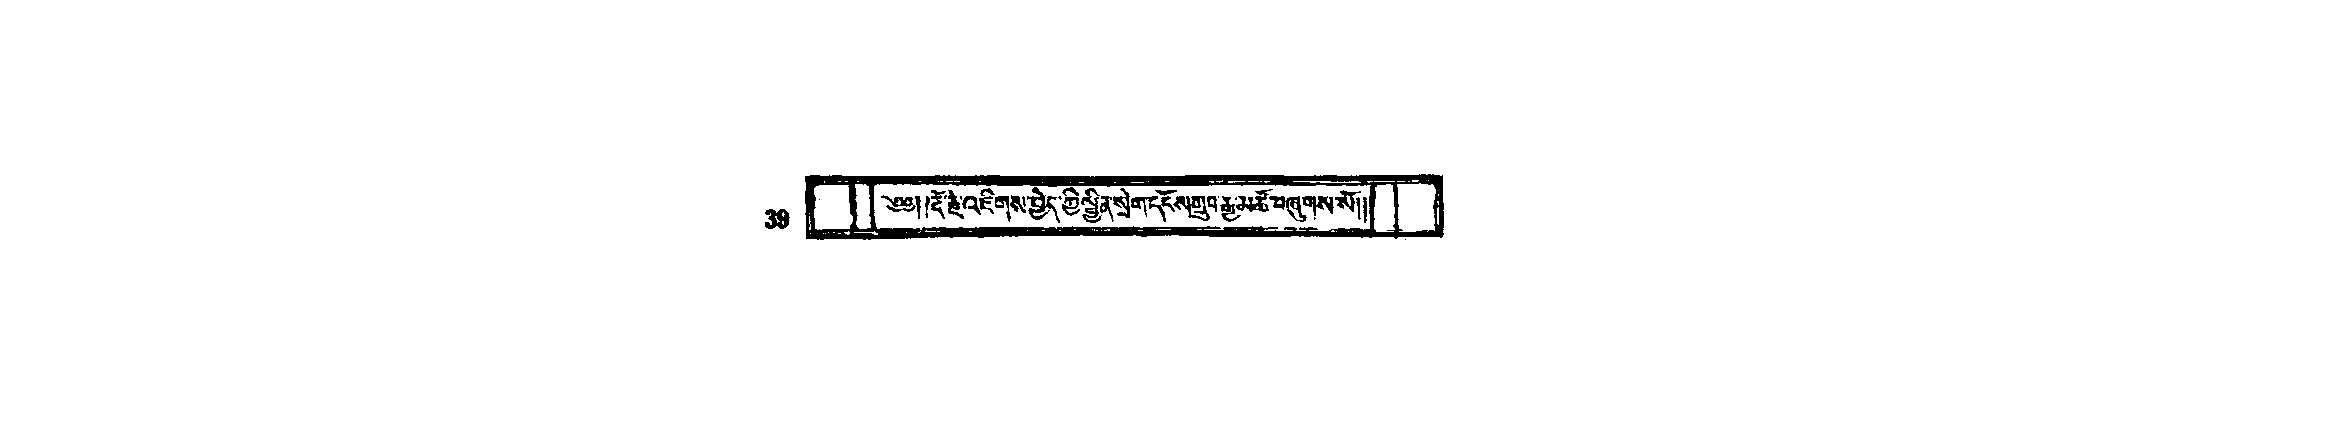༄༅། །རྡོ་རྗེ་འཇིགས་བྱེད་ཀྱི་སྦྱིན་སྲེག་དངོས་གྲུབ་རྒྱ་མཚོ་བཞུགས་སོ། །